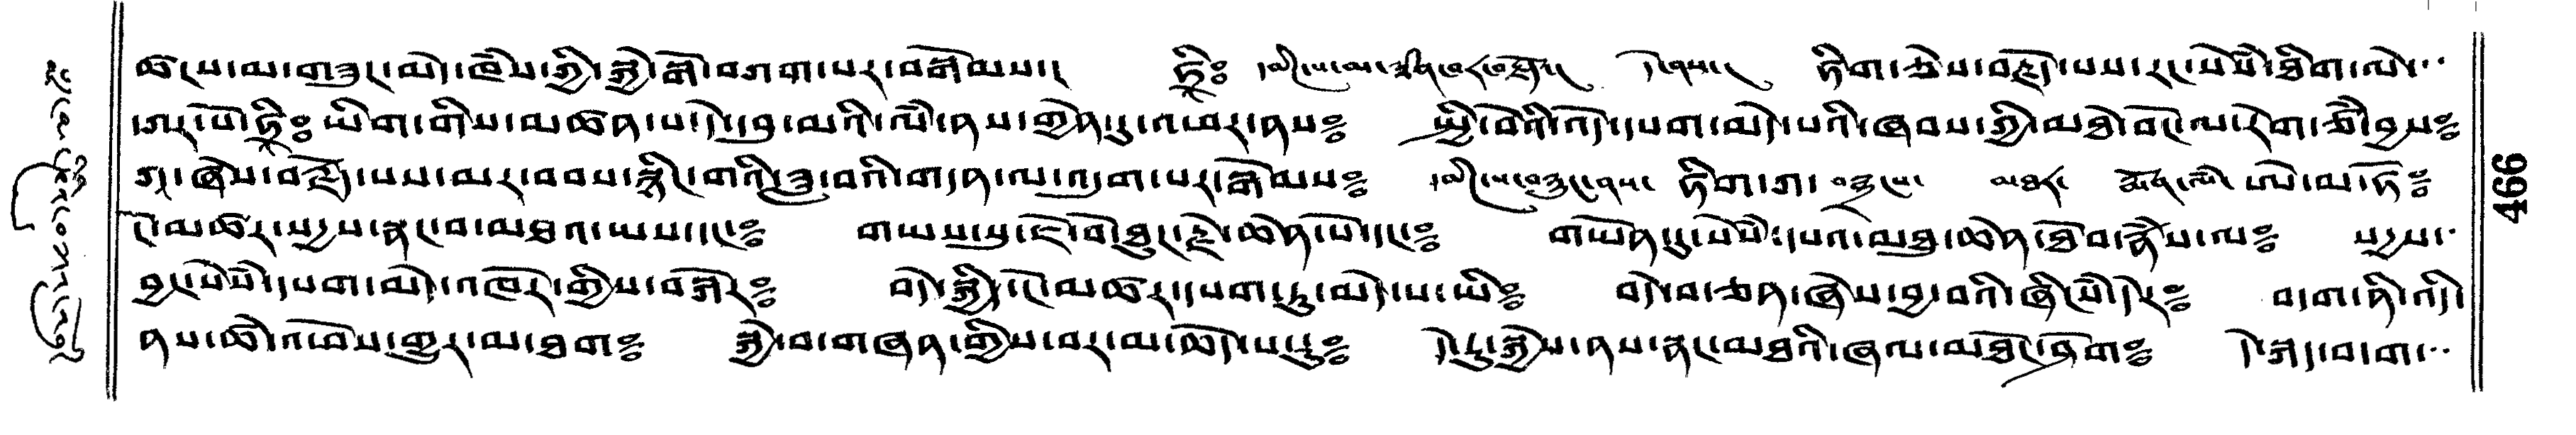མཆོག་མ་གཟུགས་མེད་ཁམས་ཀྱི་སྐྱེ་སྒོ་བཀག་པར་སྒོམས༔ ཧྲཱིཿ དམིགས་པ་མ་ཟིན་བར་བརྗོད། དེ་ནས། ཧིག་ཅེས་བརྗོད་པས་རང་སེམས་ཐིག་ལེ་
དཀར་པོ་ཧྲཱིཿཡིག་གིས་མཚན་པ་དེ་དབུ་མའི་ལམ་ནས་གྱེན་དུ་འཕར་ནས༔ སྤྱི་བོའི་འོད་དཔག་མེད་པའི་ཞབས་ཀྱི་མཐེ་བོང་ལ་རེག་ཙམ་བྱས༔ 
ཀཱ་ཞེས་བརྗོད་པས་མར་བབས་སྙིང་གའི་ཟླ་བའི་གདན་ལ་འདུག་པར་སྒོམས༔ དམིགས་པ་བཟུང་ནས། ཧིག་ཀ བགྲངས། མཐར། སྨོན་ལམ། ཨེ་མ་ཧོ༔ 
ངོ་མཚར་སངས་རྒྱས་སྣང་བ་མཐའ་ཡས་དང༔ གཡས་སུ་ཇོ་བོ་ཐུགས་རྗེ་ཆེན་པོ་དང༔ གཡོན་དུ་སེམས་དཔའ་མཐུ་ཆེན་ཐོབ་རྣམས་ལ༔ སངས་རྒྱས་
བྱང་སེམས་དཔག་མེད་འཁོར་གྱིས་བསྐོར༔ བདེ་སྐྱིད་ངོ་མཚར་དཔག་ཏུ་མེད་པ་ཡི༔ བདེ་བ་ཅན་ཞེས་བྱ་བའི་ཞིང་ཁམས་དེར༔ བདག་ནི་འདི་
ནས་ཚེ་འཕོས་གྱུར་མ་ཐག༔ སྐྱེ་བ་གཞན་གྱིས་བར་མ་ཆོད་པ་རུ༔ དེ་རུ་སྐྱེས་ནས་སྣང་མཐའི་ཞལ་མཐོང་ཤོག༔ དེ་སྐད་བདག་